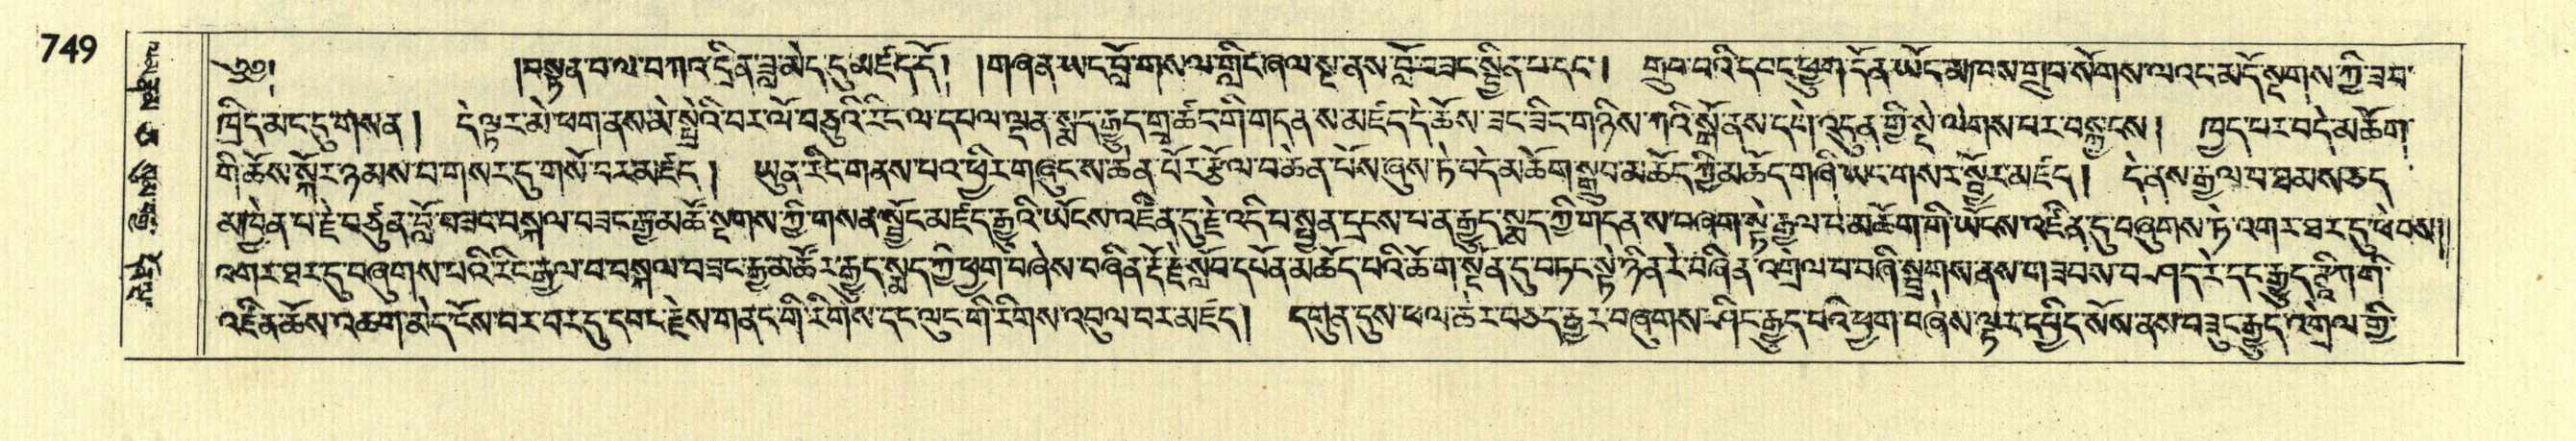༄༅། །བསྟན་པ་ལ་བཀའ་དྲིན་ཟླ་མེད་དུ་མཛད་དོ། །གཞན་ཡང་བློ་གསལ་གླིང་ཞལ་སྔ་ནས་བློ་བཟང་སྦྱིན་པ་དང་། གྲུབ་བའི་དབང་ཕྱུག་དོན་ཡོད་མཁས་གྲུབ་སོགས་ལའང་མདོ་སྔགས་ཀྱི་ཟབ་
ཁྲིད་མང་དུ་གསན། དེ་ལྟར་མེ་ཕག་ནས་མེ་སྤྲེའི་བར་ལོ་བཅུའི་རིང་ལ་དཔལ་ལྡན་སྨད་རྒྱུད་གྲྭ་ཚང་གི་གདན་ས་མཛད་དེ་ཆོས་ཟང་ཟིང་གཉིས་ཀའི་སྒོ་ནས་དགེ་འདུན་གྱི་སྡེ་ལེགས་པར་བསྐྱངས། ཁྱད་པར་བདེ་མཆོག་
གི་ཆོས་སྐོར་ཉམས་བ་གསར་དུ་གསོ་བར་མཛད། ཡུན་རིང་གནས་པའ་ཕྱིར་གཞུང་ས་ཆེན་པོར་རྩོལ་བ་ཆེན་པོས་ཞུས་ཏེ་བདེ་མཆོག་སྒྲུབ་མཆོད་ཀྱི་མཆོད་གཞི་ཡང་གསར་སྦྱོར་མཛད། དེ་ནས་རྒྱལ་བ་ཐམས་ཅད་
མཁྱེན་པ་རྗེ་བཙུན་བློ་བཟང་བསྐལ་བཟང་རྒྱ་མཚོ་སྔགས་ཀྱི་གསན་སྦྱོང་མཛད་རྒྱུའི་ཡོངས་འཛིན་དུ་རྗེ་འདི་པ་སྤྱན་དྲངས་པ་ན་རྒྱུད་སྨད་ཀྱི་གདན་ས་བཞག་སྟེ་རྒྱལ་བ་མཆོག་གི་ཡོངས་འཛིན་དུ་བཞུགས་ཏེ་འགར་ཐར་དུ་ཕེབས། །
འགར་ཐར་དུ་བཞུགས་པའི་རིང་རྒྱལ་བ་བསྐལ་བཟང་རྒྱ་མཚོར་རྒྱུད་སྨད་ཀྱི་ཕྱག་བཞེས་བཞིན་རྡོ་རྗེ་སློབ་དཔོན་མཆོད་པའི་ཆོ་ག་སྔོན་དུ་བཏང་སྟེ་ཉིན་རེ་བཞིན་འགྲེལ་བ་བཞི་སྦྲགས་ནས་གཟབས་བཤད་རེ་དང་རྒྱུད་ཊཱིཀ་གི་
འཛིན་ཆོས་འཆག་མེད་ངོས་བར་བར་དུ་དབང་རྗེས་གནང་གི་རིགས་དང་ལུང་གི་རིགས་འབུལ་བར་མཛད། དགུན་དུས་ཕལ་ཆེར་བཅད་རྒྱར་བཞུགས་ཤིང་རྒྱུད་པའི་ཕྱག་བཞེས་ལྟར་དབྱིད་སོས་ནས་བཟུང་རྒྱུད་འགྲེལ་གྱི་